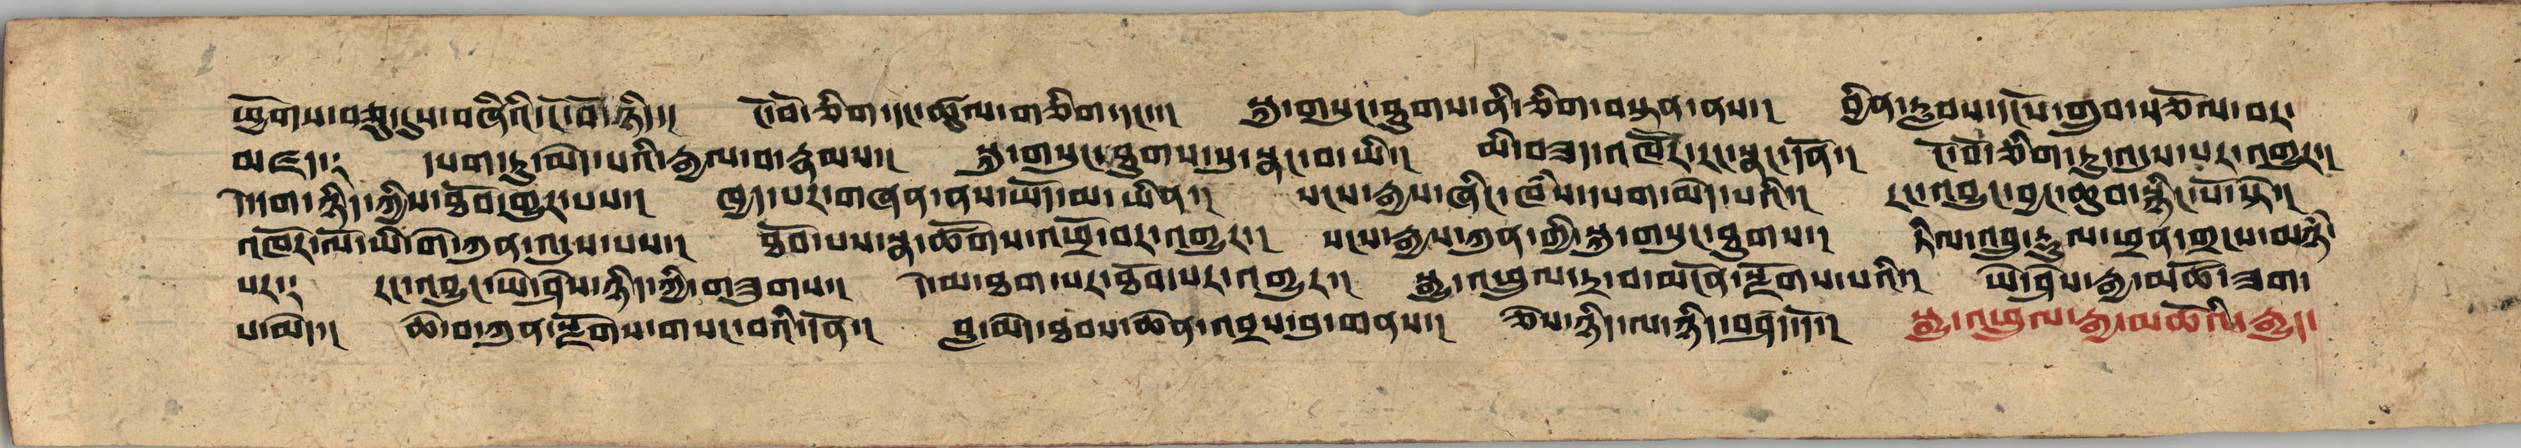ཕྱོགས་བཅུ་དུས་བཞིའི་ངོ་བོ་ཉིད་། ངོ་བོ་ཅིག་དང་ཚུལ་གཅིག་དང་་། སྐུ་གསུང་ཐུགས་ནི་ཅིག་བསྟན་ནས་། བྱིན་རླབས་དངོས་གྲུབ་སྩོལ་བར་
མཛད༑ དཔག་ཏུ་མེད་པའི་རྒྱལ་བ་རྣམས་། སྐུ་གསུང་ཐུགས་སུ་སྣང་བ་ཡི་། མི་བཟད་འཁཽར་རང་སྣང་དོན་། ངོ་བོ་ཅིག་ཏུ་འདུས་པར་འགྱུར་།
དེ་དག་ཉིད་ཀྱིས་ཐོབ་གྱུར་པས་། ཁྱད་པར་གཞན་ནས་ཡོད་མ་ཡིན་། སངས་རྒྱས་ཞིང་ཁཾས་དཔག་མེད་པའི་། རང་འབྱུང་བྱང་ཆུབ་སྙིང་པོ་སྟེ་།
འཁོར་ལོ་ཡི་གེ་ཀུན་འདུས་པས་། ཐོབ་པས་སྣ་ཚོགས་འཕྲོ་བར་འགྱུར་། སངས་རྒྱས་ཀུན་གྱི་སྐུ་གསུང་ཐུགས་། ཏིལ་འབྲུ་རྡུལ་ཕྲན་གྲངས་མཉཾ་
པར༑ རང་འབྱུང་ཡེ་ཤེས་ཉིད་ཀྱི་གཟུགས་། དེ་མ་ཐག་པར་ཐོབ་པར་འགྱུར་། སྒྱུ་འཕྲུལ་དྲ་བ་མངོན་སྫོགས་པའི་། ཡེ་ཤེས་རྒྱ་མཚོ་ཟག་
པ་མེད་། ཆེ་བ་ཀུན་སྫོགས་གསང་བའི་དོན་། བླ་མེད་ཐབས་ཆེན་འབྲས་བུ་གནས་། ཅེས་ཉིད་ལ་ཉིད་བཤད་དོ་། སྒྱུ་འཕྲུལ་རྒྱ་མཚོའི་རྒྱུད་